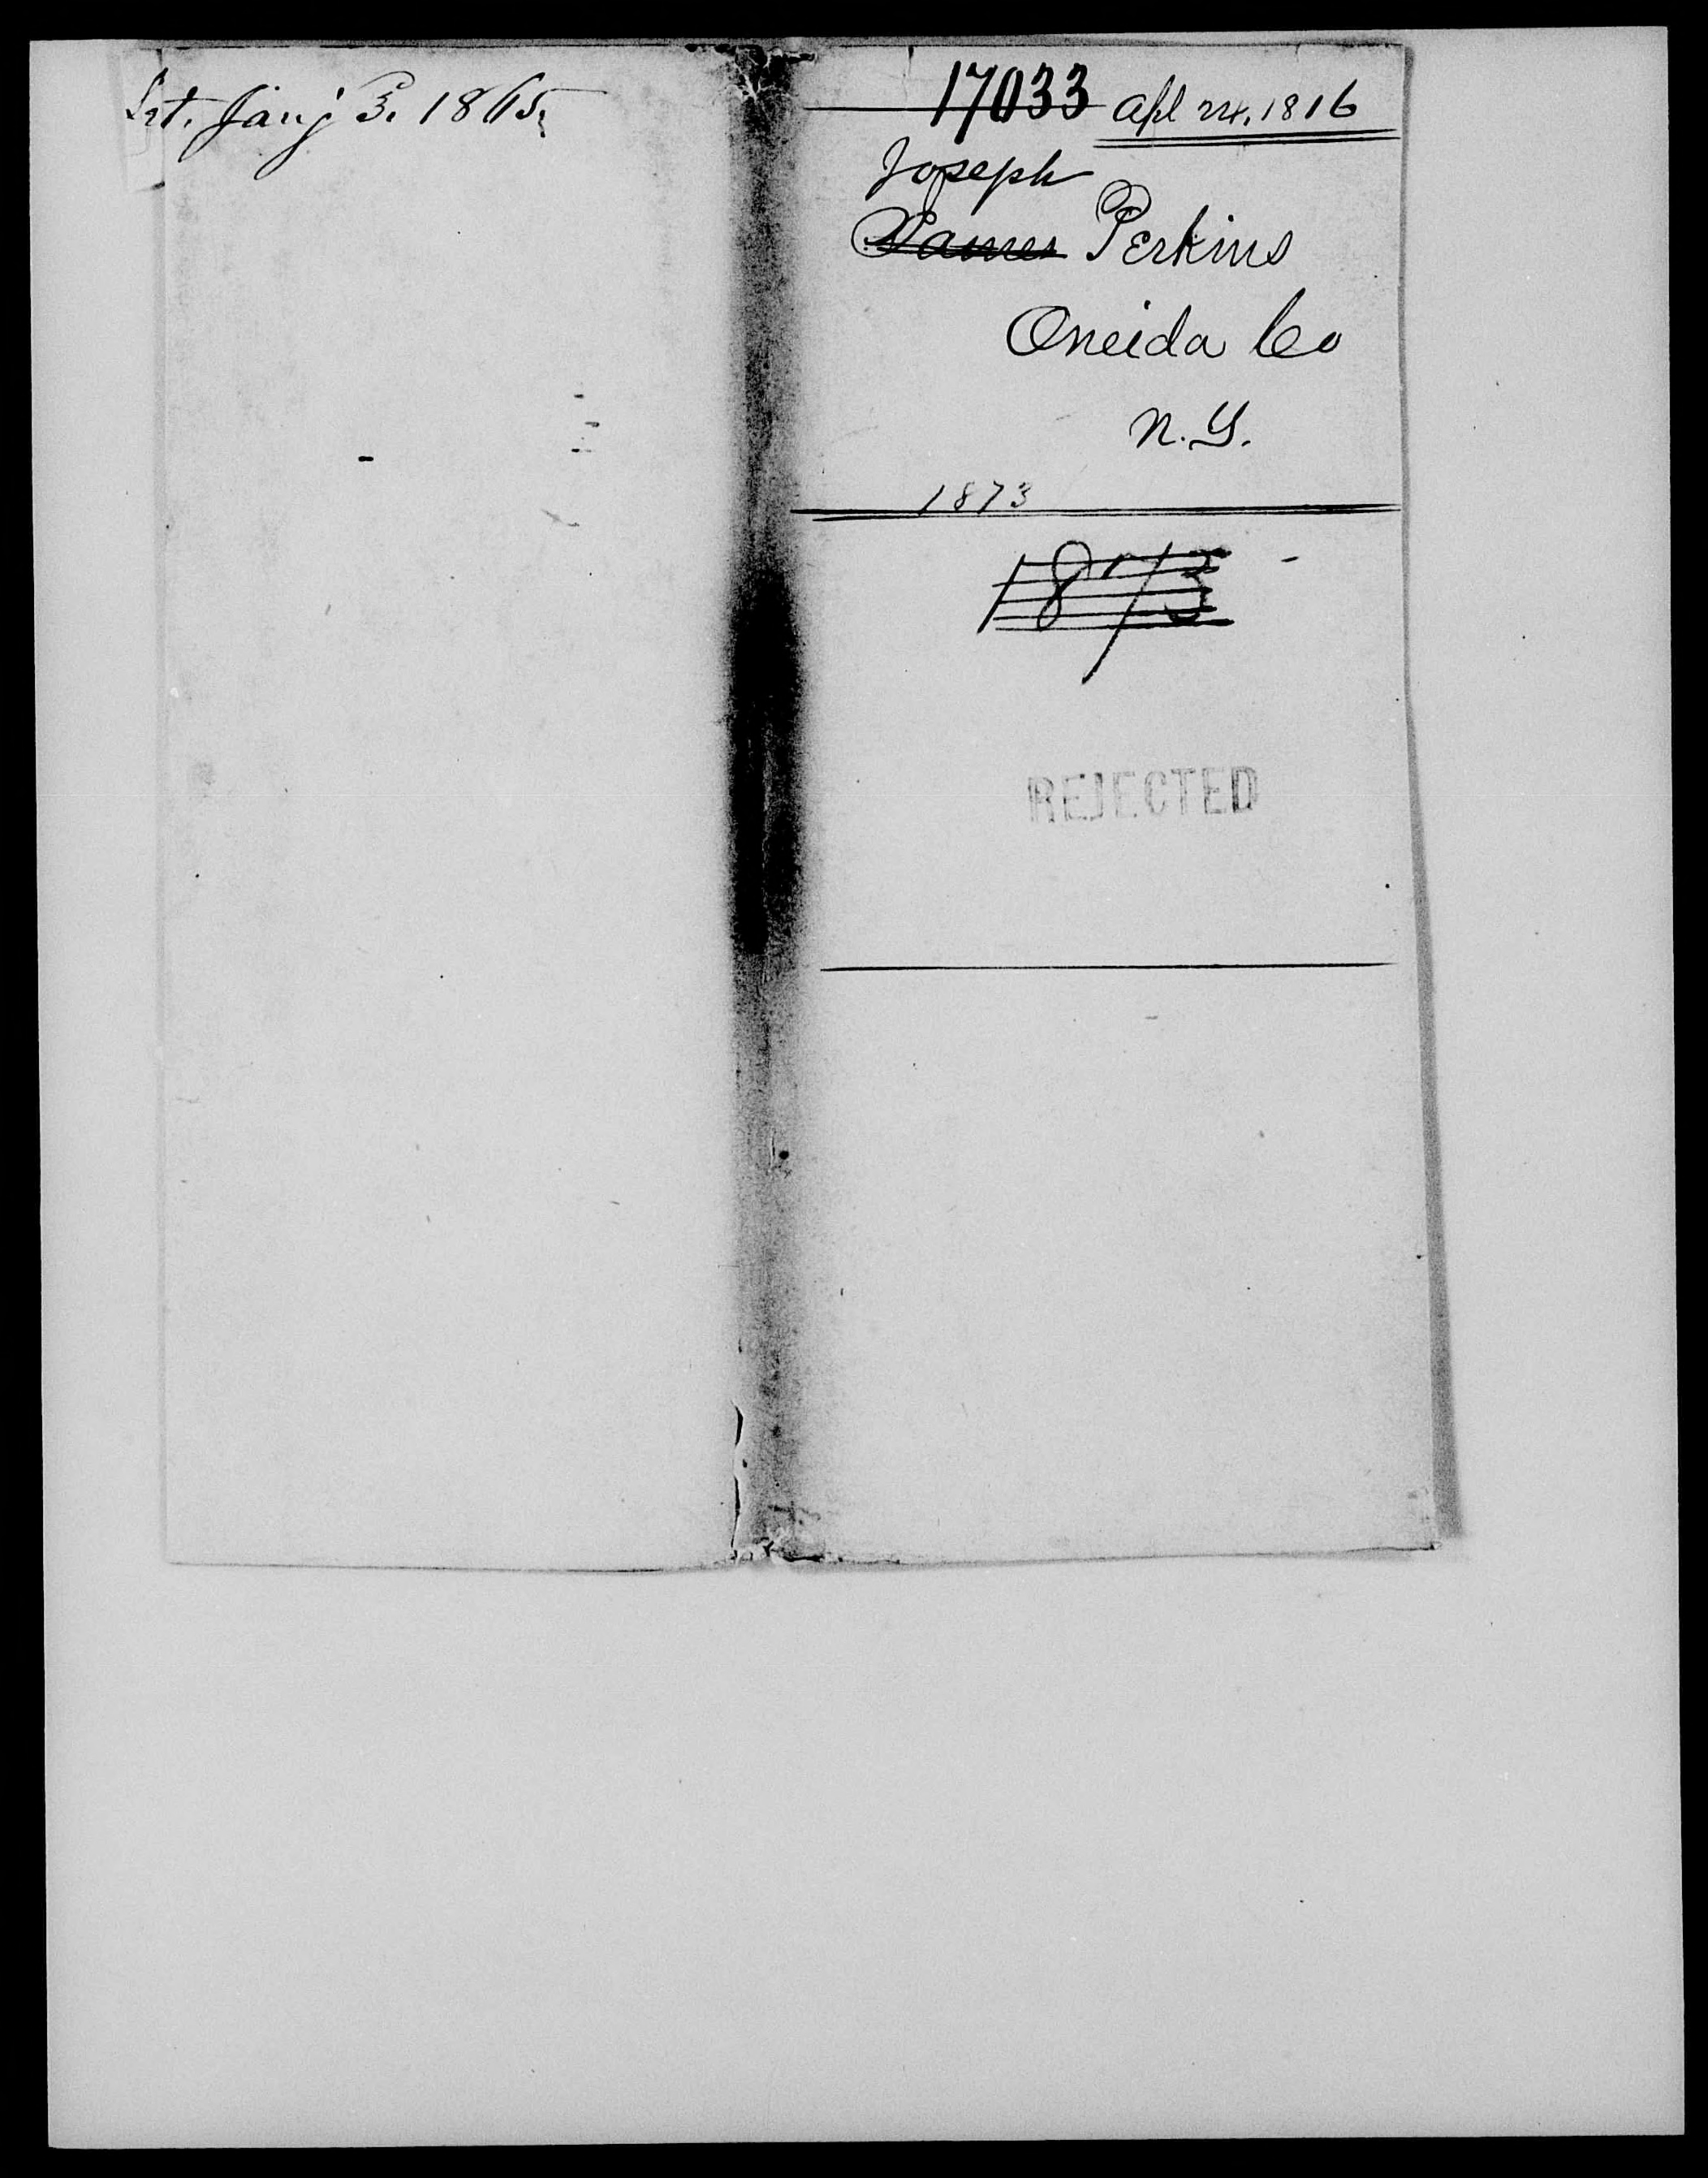Let, Jany 3d 1865, 


17033 Apl 24, 1816 
Joseph [crossed out: James] 
Perkins Oneida Co 
N.Y.
1873 

[stamped] REJECTED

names: Joseph Perkins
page: 21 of 44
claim: rejected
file: R. 17,033, for Joseph Perkins, New York